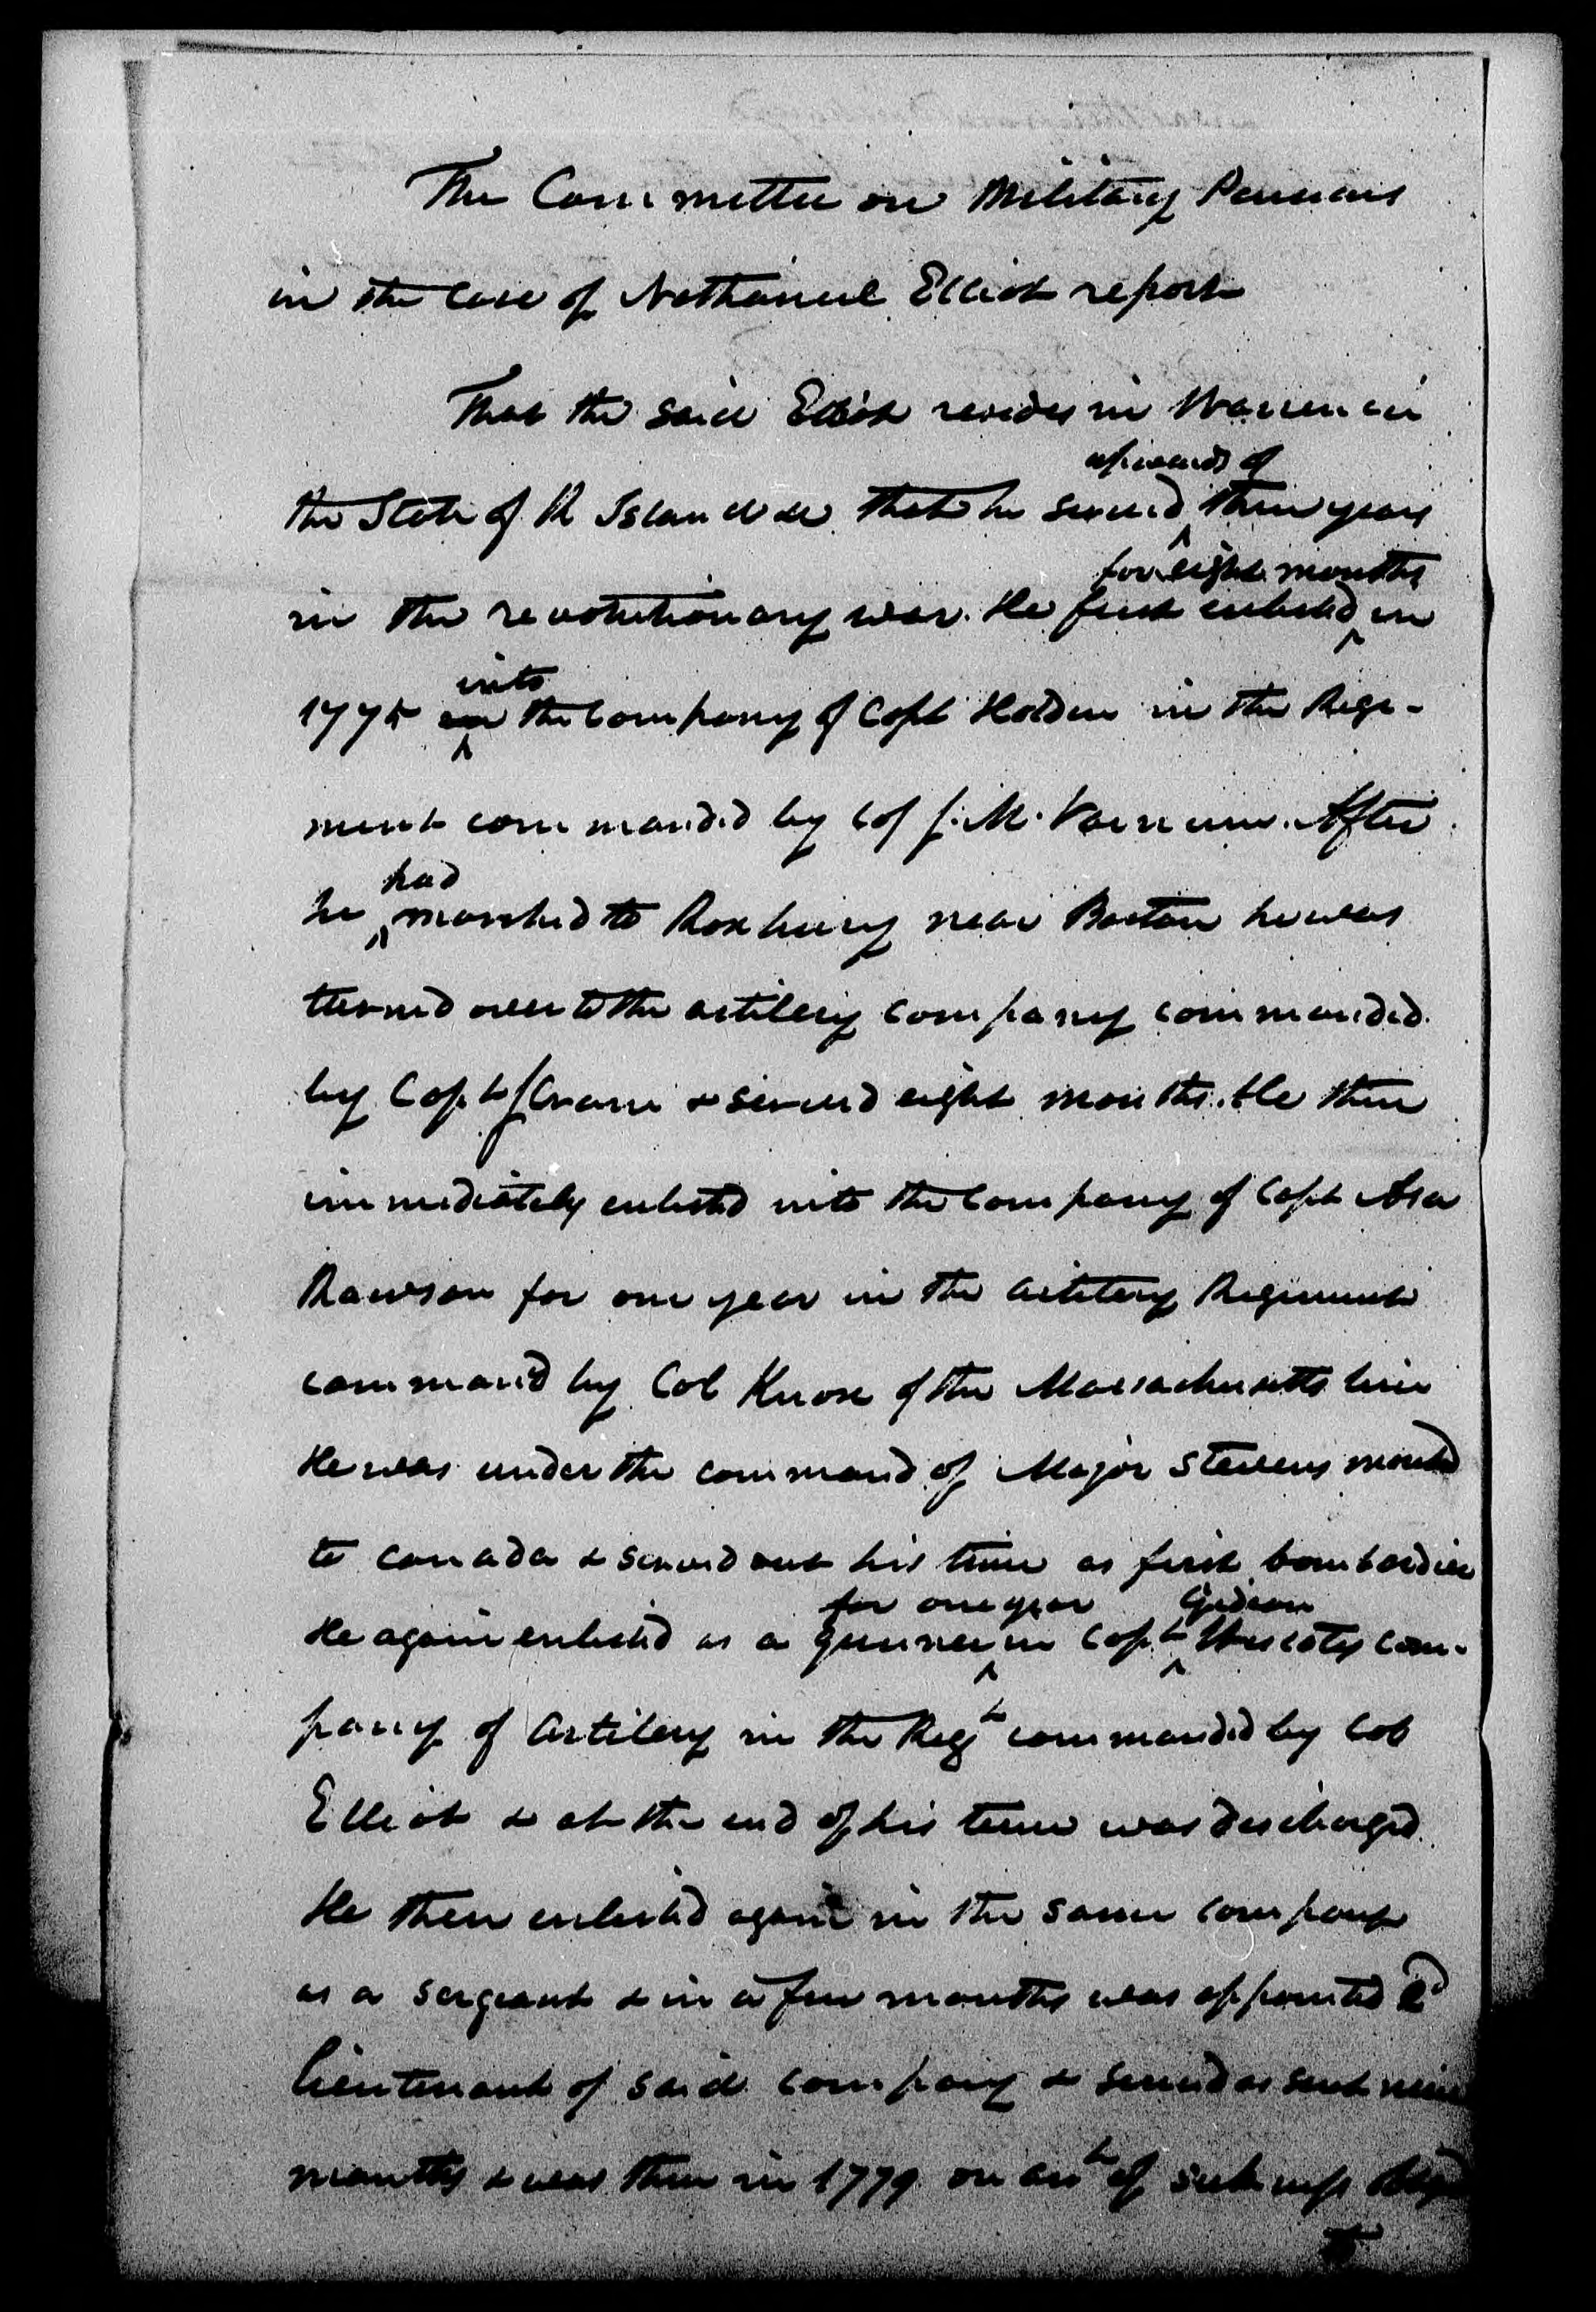The committee on Military Pensions in the case of Nathaniel Ellito report
That the said Elliot resides in Warwick in the State of R Island & that he served upwards of three years in the revolutionary war. He first enlisted for eight months in 1775 into the Company of Capt. HOlden in the Regiment commanded by Col. J. M. Varnum. After he had marched to Roxbury near Boston he was turned over to the artilery company commanded by capt. J. Crane & served eight months. He then immediately enlisted into the Company of Capt. Asa Rawson for one year in the artilery Regiment commanded by Col. KNox of the Massachusetts line. He was under the command of Major Stevens marched to canada & served out his time as first bombardier. He again enlisted as a gunner for one year in Capt. Gideon [illegible] company of artilery in the Regt. commanded by Col. Elliot & at the end of his term was discharged. He then enlisted again in the same company as a sergeant & in a few months was appointed 2d lieutenant of said comapny & served as such nine months & was there in 1779 on [illegible]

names: J M Varnum, Knox, Elliot, Holden, Elliot, Asa Rawson, Nathaniel Elliot, Jeram, Stevens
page: 17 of 29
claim: survivor's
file: S. 38679, Nathaniel Elliot, Continental R.I.